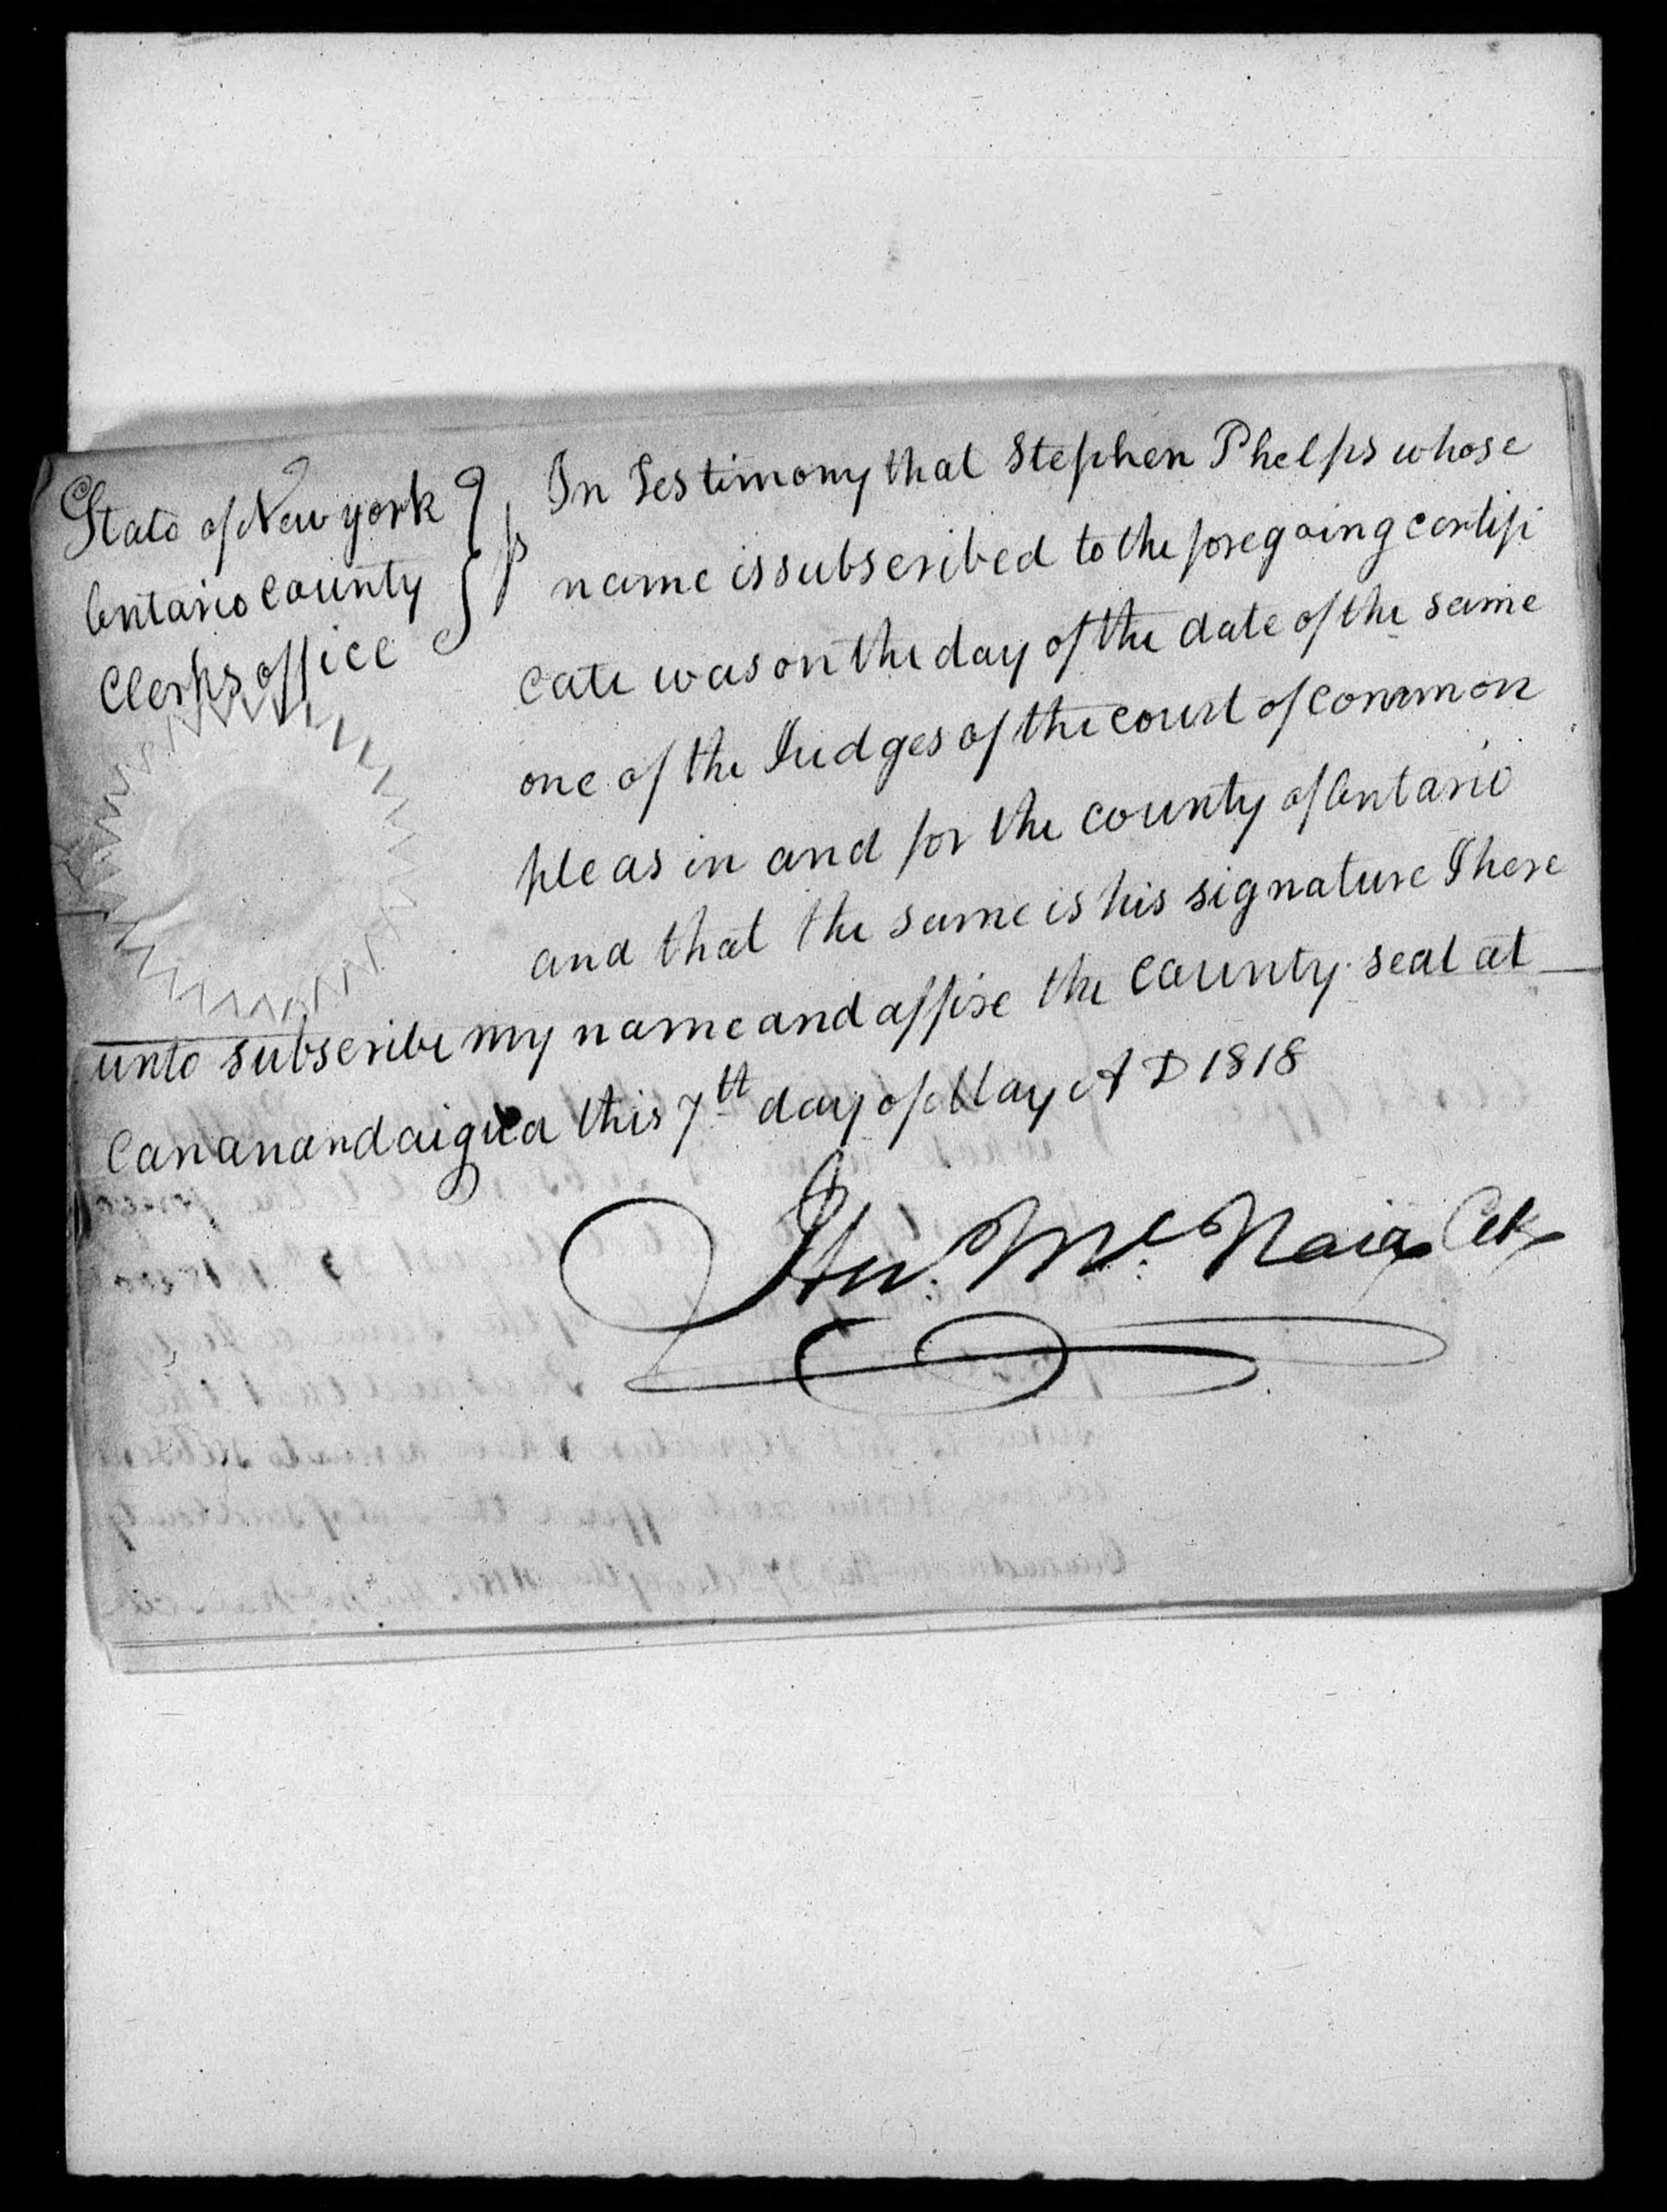State of New York
Ontario County
Clerks Office

[sun-shaped sticker]

In testimony that Stephen Phelp's whole name is subscribed to the foregoing certificate dated August 25th 1818 was on the day of the date of the same one of the Judges of the court of common pleas in and for the county of Ontario and that the same is his signature I here unto subscribe my name and affise the county seal of  Cananandaigua this 7th day of May of D 1818

Hon McNair Clk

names: Stephen Phelps, Mc Nair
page: 11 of 31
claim: survivor's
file: S. 43672, Thomas Hill, New York